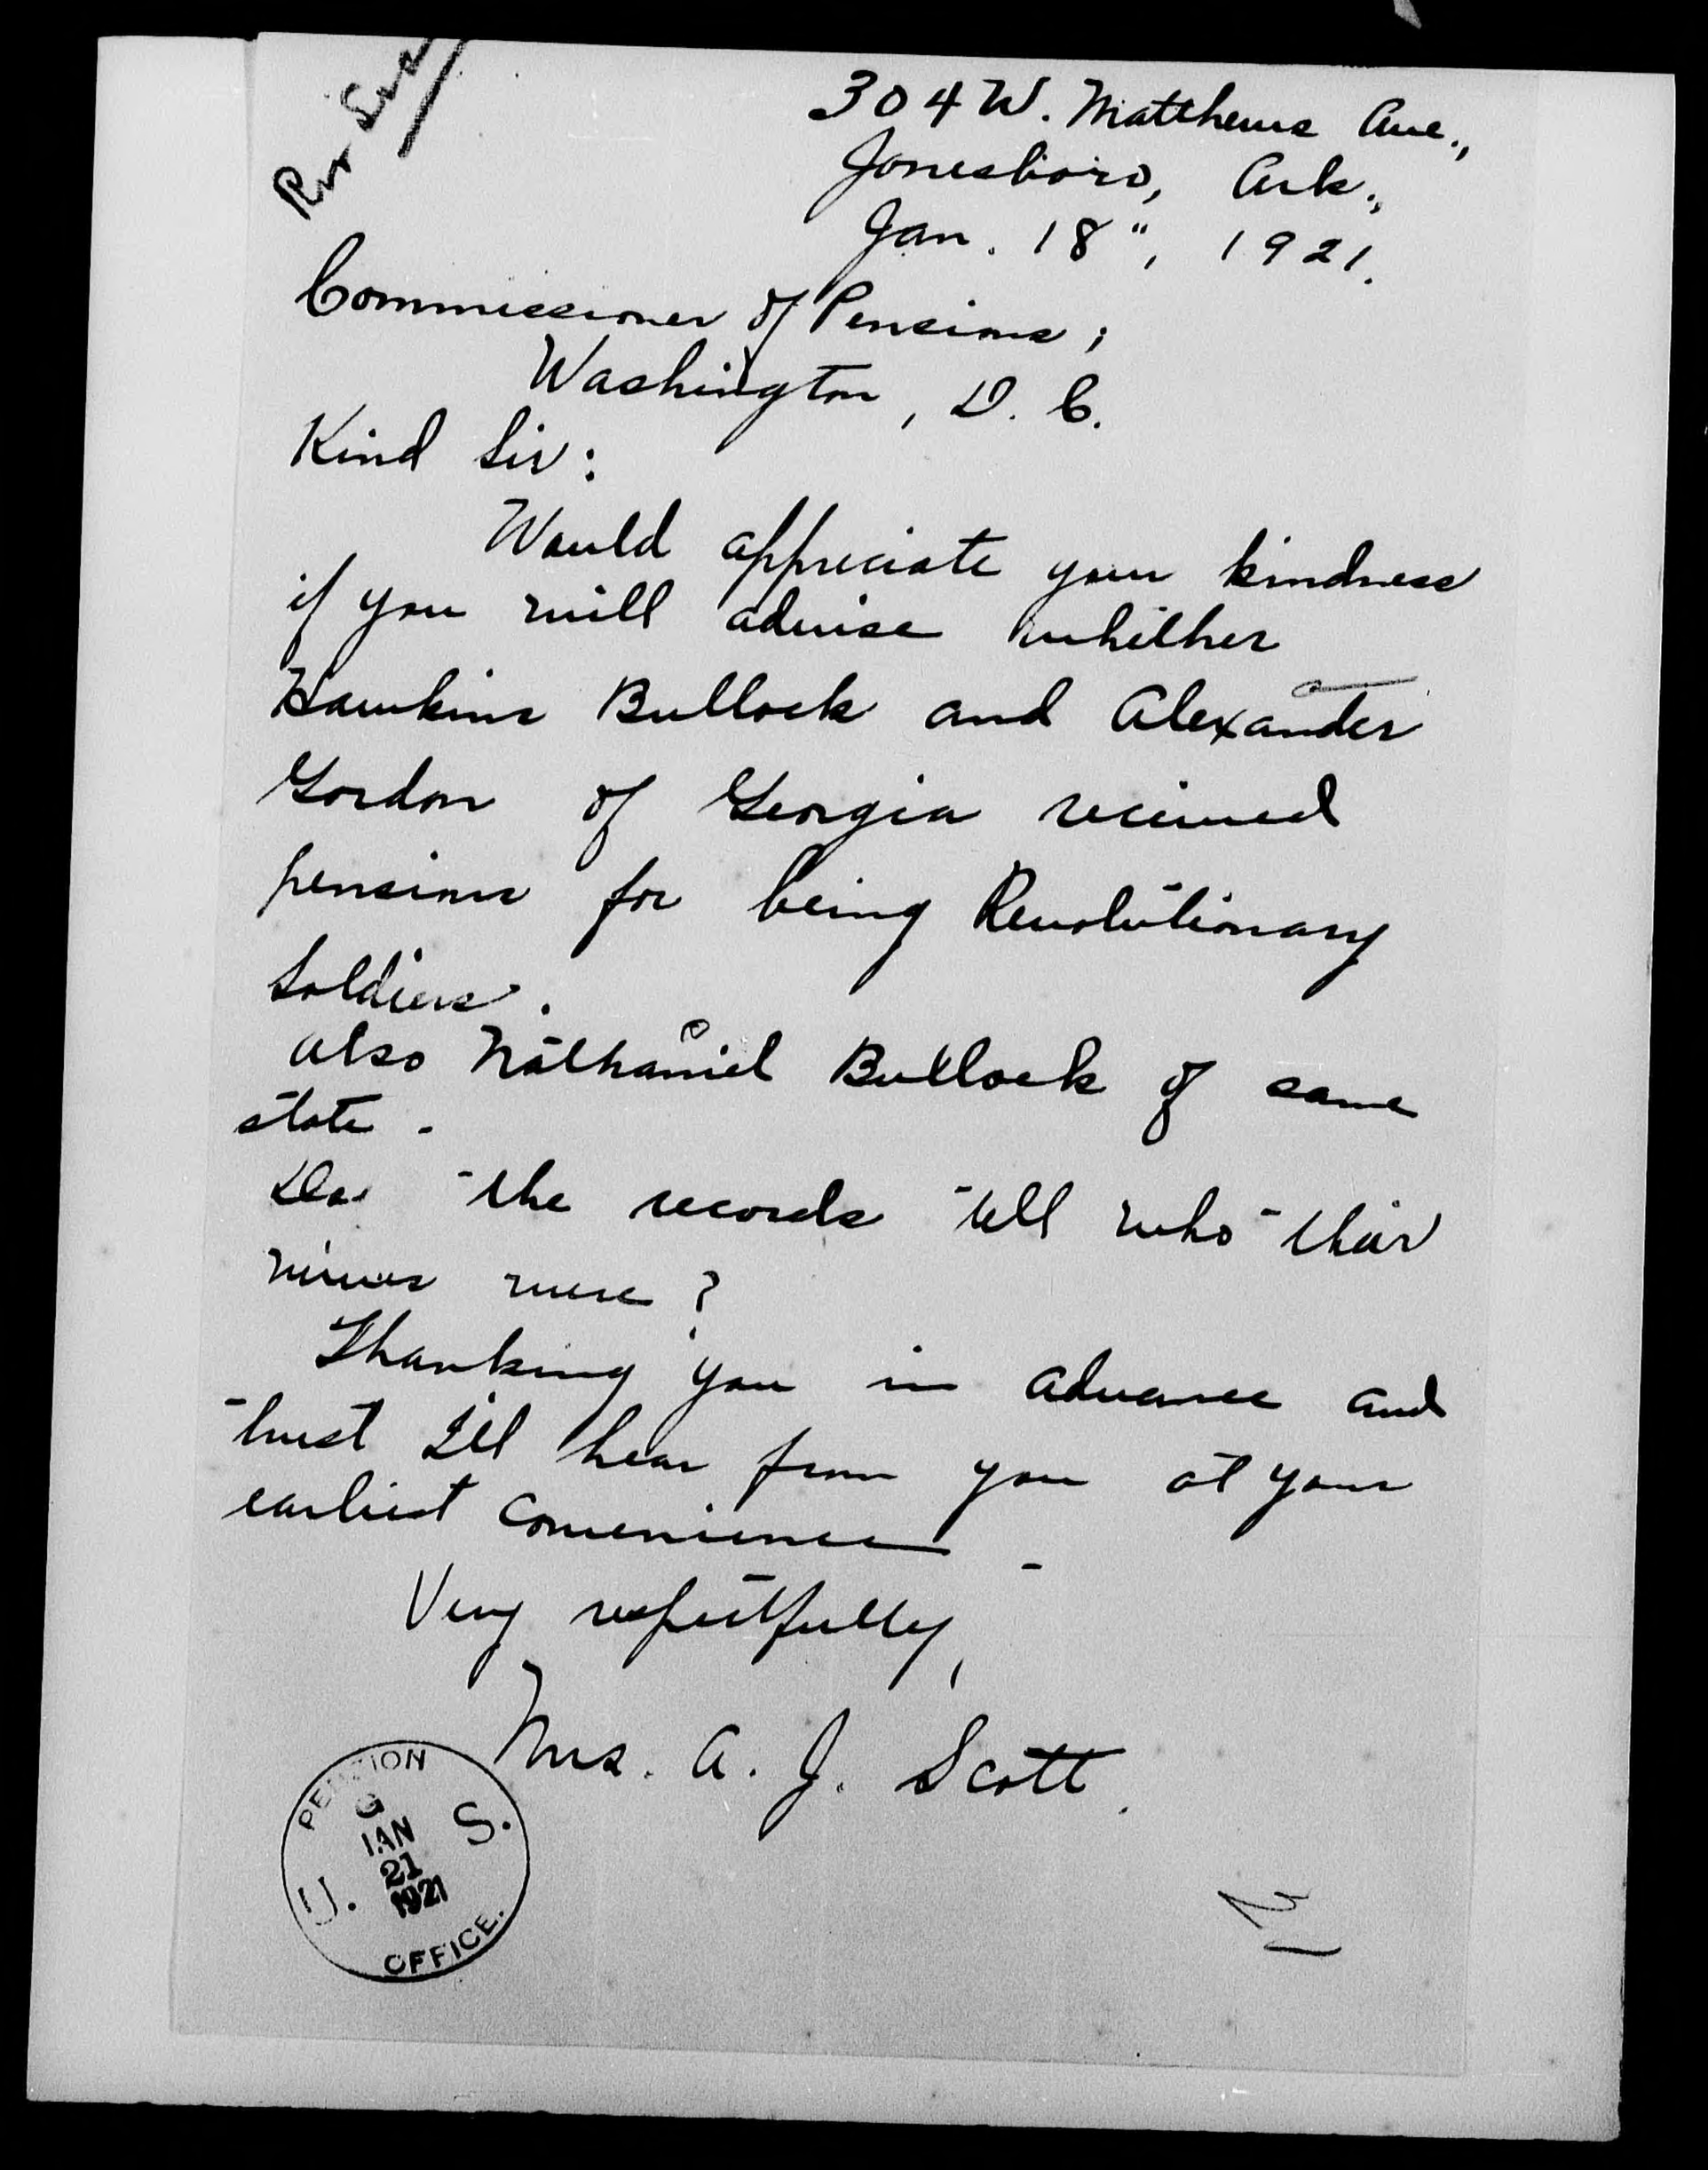Rev Sec

304 W. Matthews Ave.
Jonesboro, Ark.
Jan. 18", 1921.

Commissioner of Pensions
Washington, D.C.

Kind Sir:
Would appreciate your kindness if you will advise whether Hawkins Bullock and Alexander Gordon of Georgia received a pension for being Revolutionary Soldiers.
Also Nathaniel Bullock of same state.
Does the records tell who their wives were?
Thanking you in advance and trust I'll hear from you at your earliest convenience.
Very respectfully,
Mrs. A. J. Scott

[stamp] U.S. PENSION OFFICE. G JAN 21 1921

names: A J Scott, Alexander Gordon, Nathaniel Bullock, Hawkins Bullock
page: 13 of 24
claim: survivor's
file: S. 31,586, Hawkins Bullock, S.C.